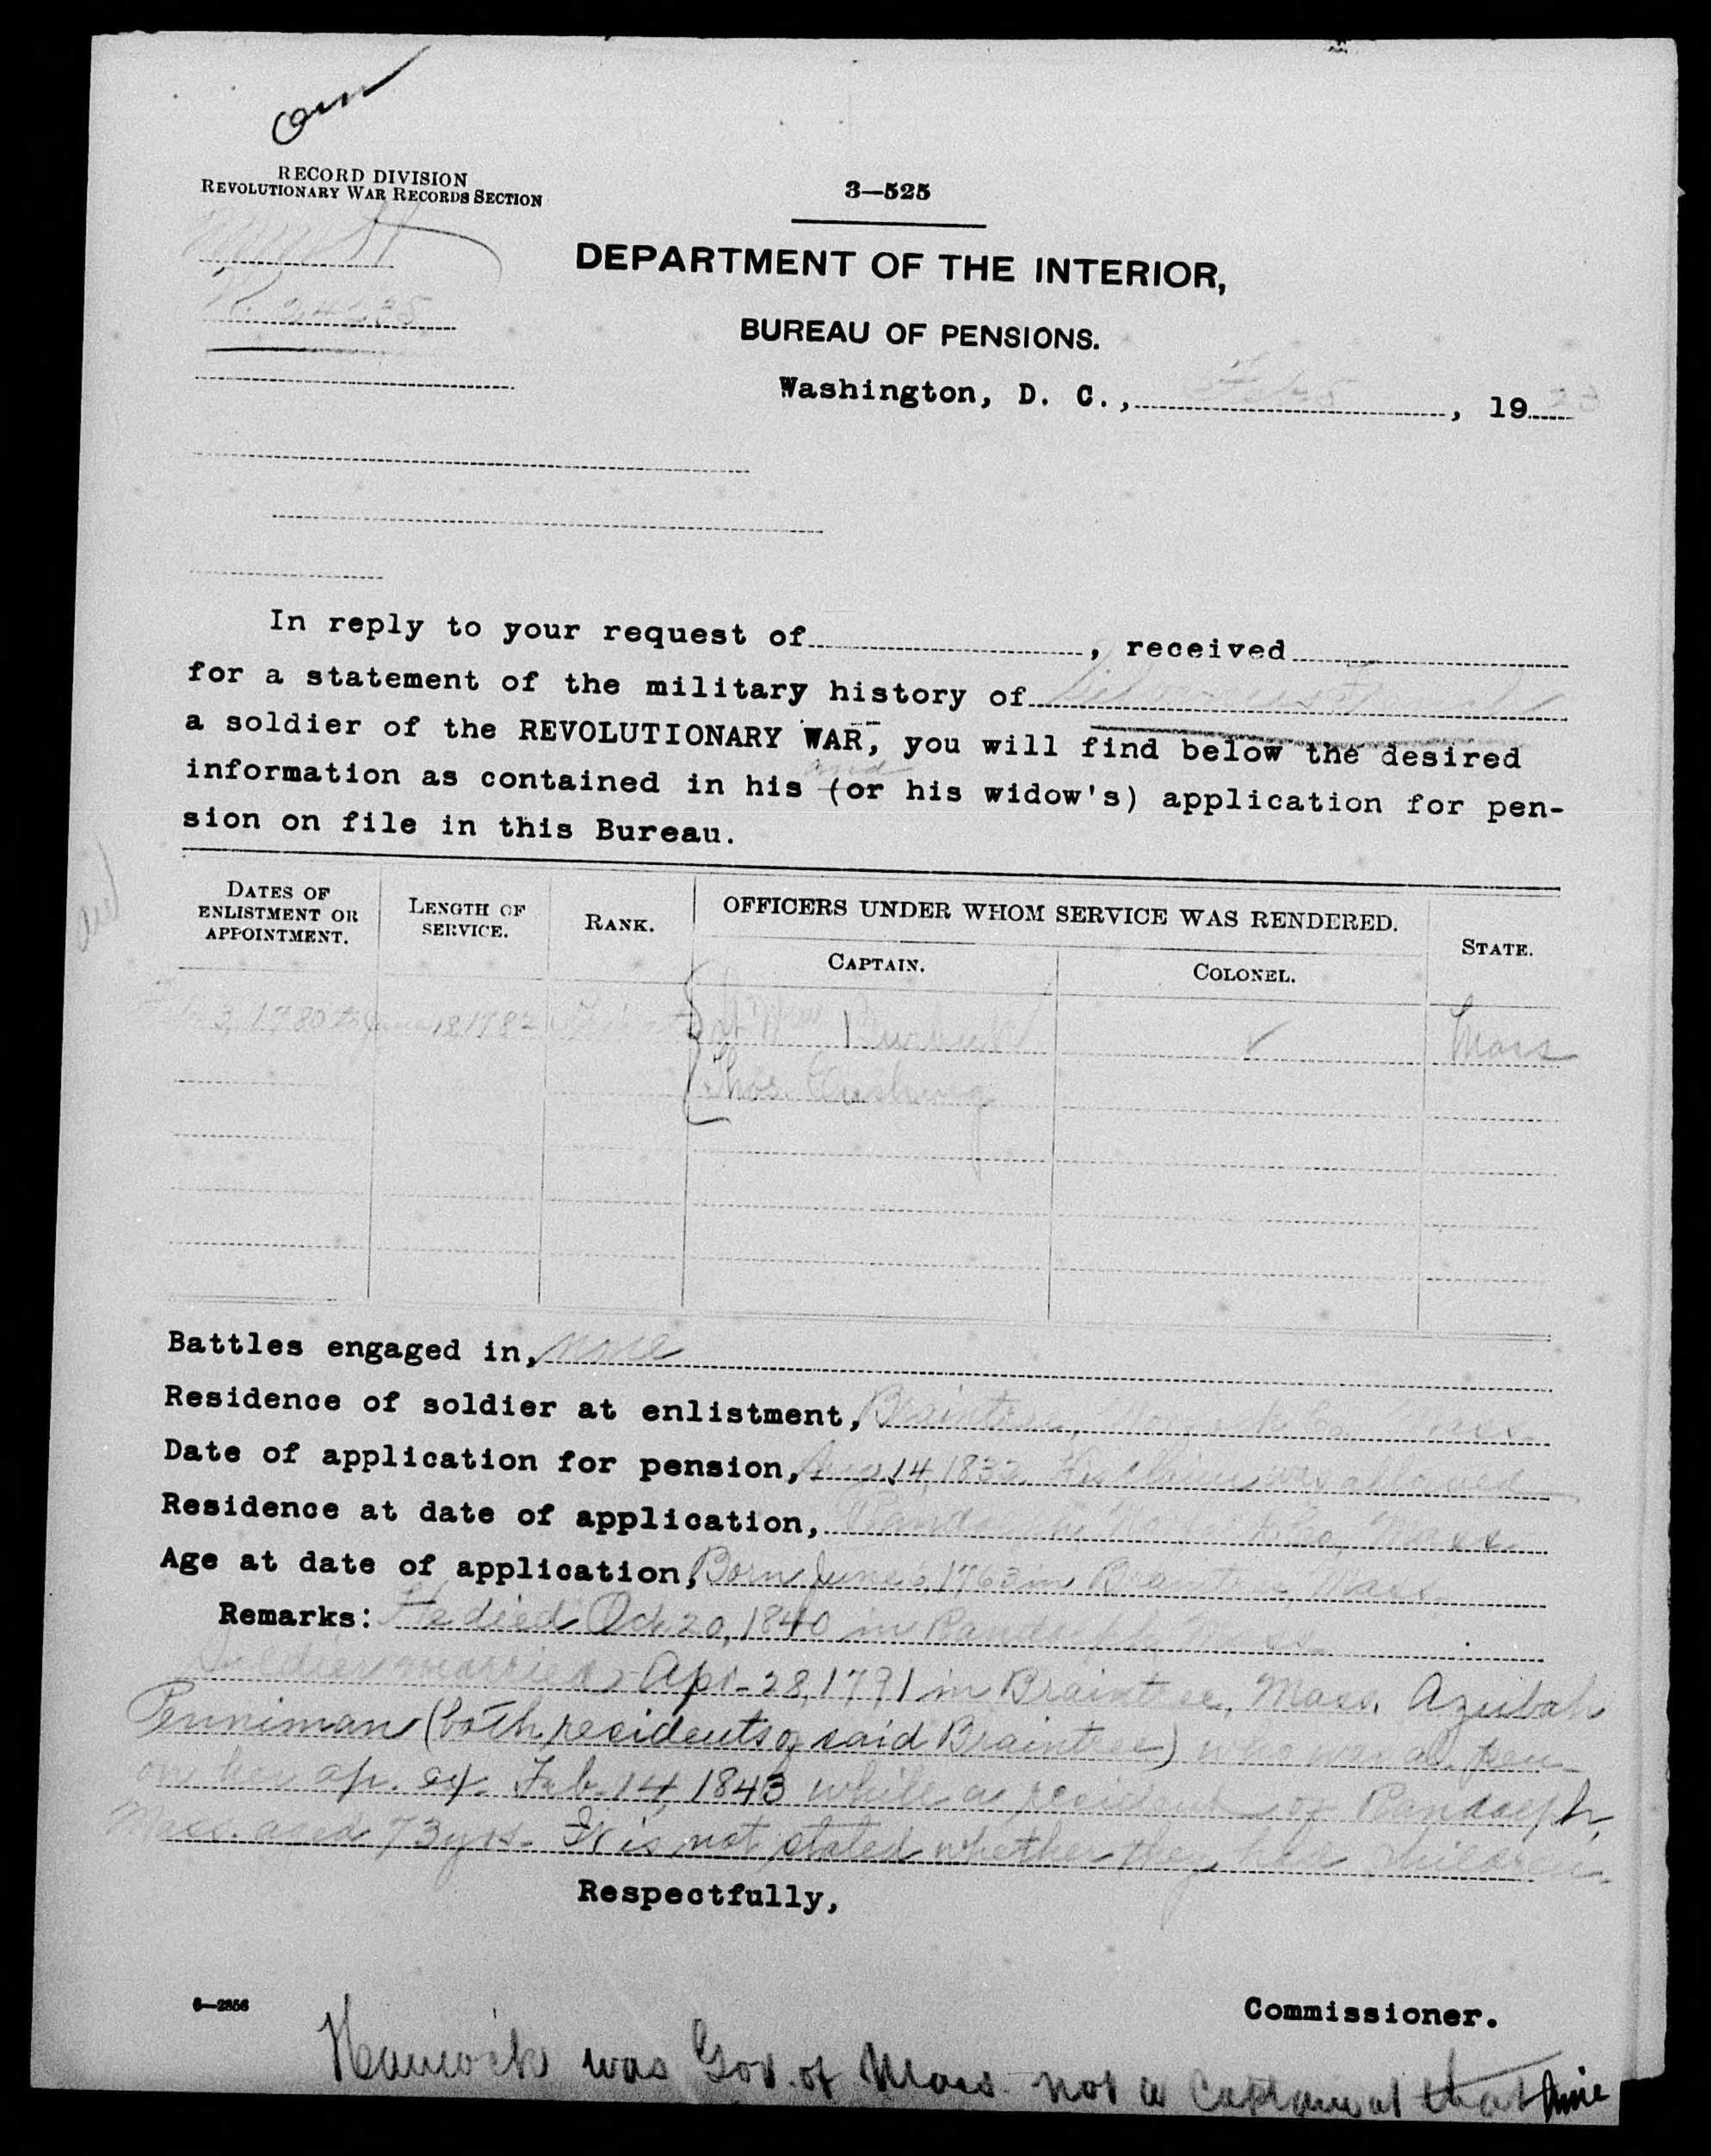3 -- 525
RECORD DIVISION 
REVOLUTIONARY WAR RECORDS SECTION DEPARTMENT OF THE INTERIOR. BUREAU OF PENSIONS. Washington, D. C., 19__

In reply to your request of ___ _received__ a statement of the military history of Silvanus French soldier of the REVOLUTIONARY WAR, you will find below the desired mation as contained in his for his widow's) application for pension on file in this Bureau. 
[table headings] DATES OF ENLISTMENT OR APPOINTMENT.  | LENGTH OF SERVICE. RANK |  OFFICERS UNDER WHOM SERVICE WAS RENDERED. CAPTAIN. COLONEL. |STATE. 

[row 1] Feb 3, 1780 to June 18, 1782 | | Private
| Lt Burbank Thos Cushing | Mass

Battles engaged in none
Residence of soldier at enlistment, Braintree, Norfolk Co, Mass
Date of application for pension, Aug 14 1832 
Residence at date of application, Braintree, Norfolk Co, Mass
Age at date of application Born June 1763 in Braintree, Mass
Remarks: He died Oct 20, 1840 in Randolph, Mass
Soldier married Apr. 28, 1791 in Braintree, Mass, Azubah Penniman (both residents of said Braintree), who was the person on her  apr ext. Feb 14 1843 while a resident of Randolph Mass aged 73 yrs. It is not stated whether they had children

Respectfully,
Commissioner. 

Hancock was Gov  of Mass not a Caption at that time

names: Azubah Penniman, Silvanus French, Thos Cushing, Wm Burbank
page: 19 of 38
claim: widow's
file: W. 24,235, Silvanus French, Mass.